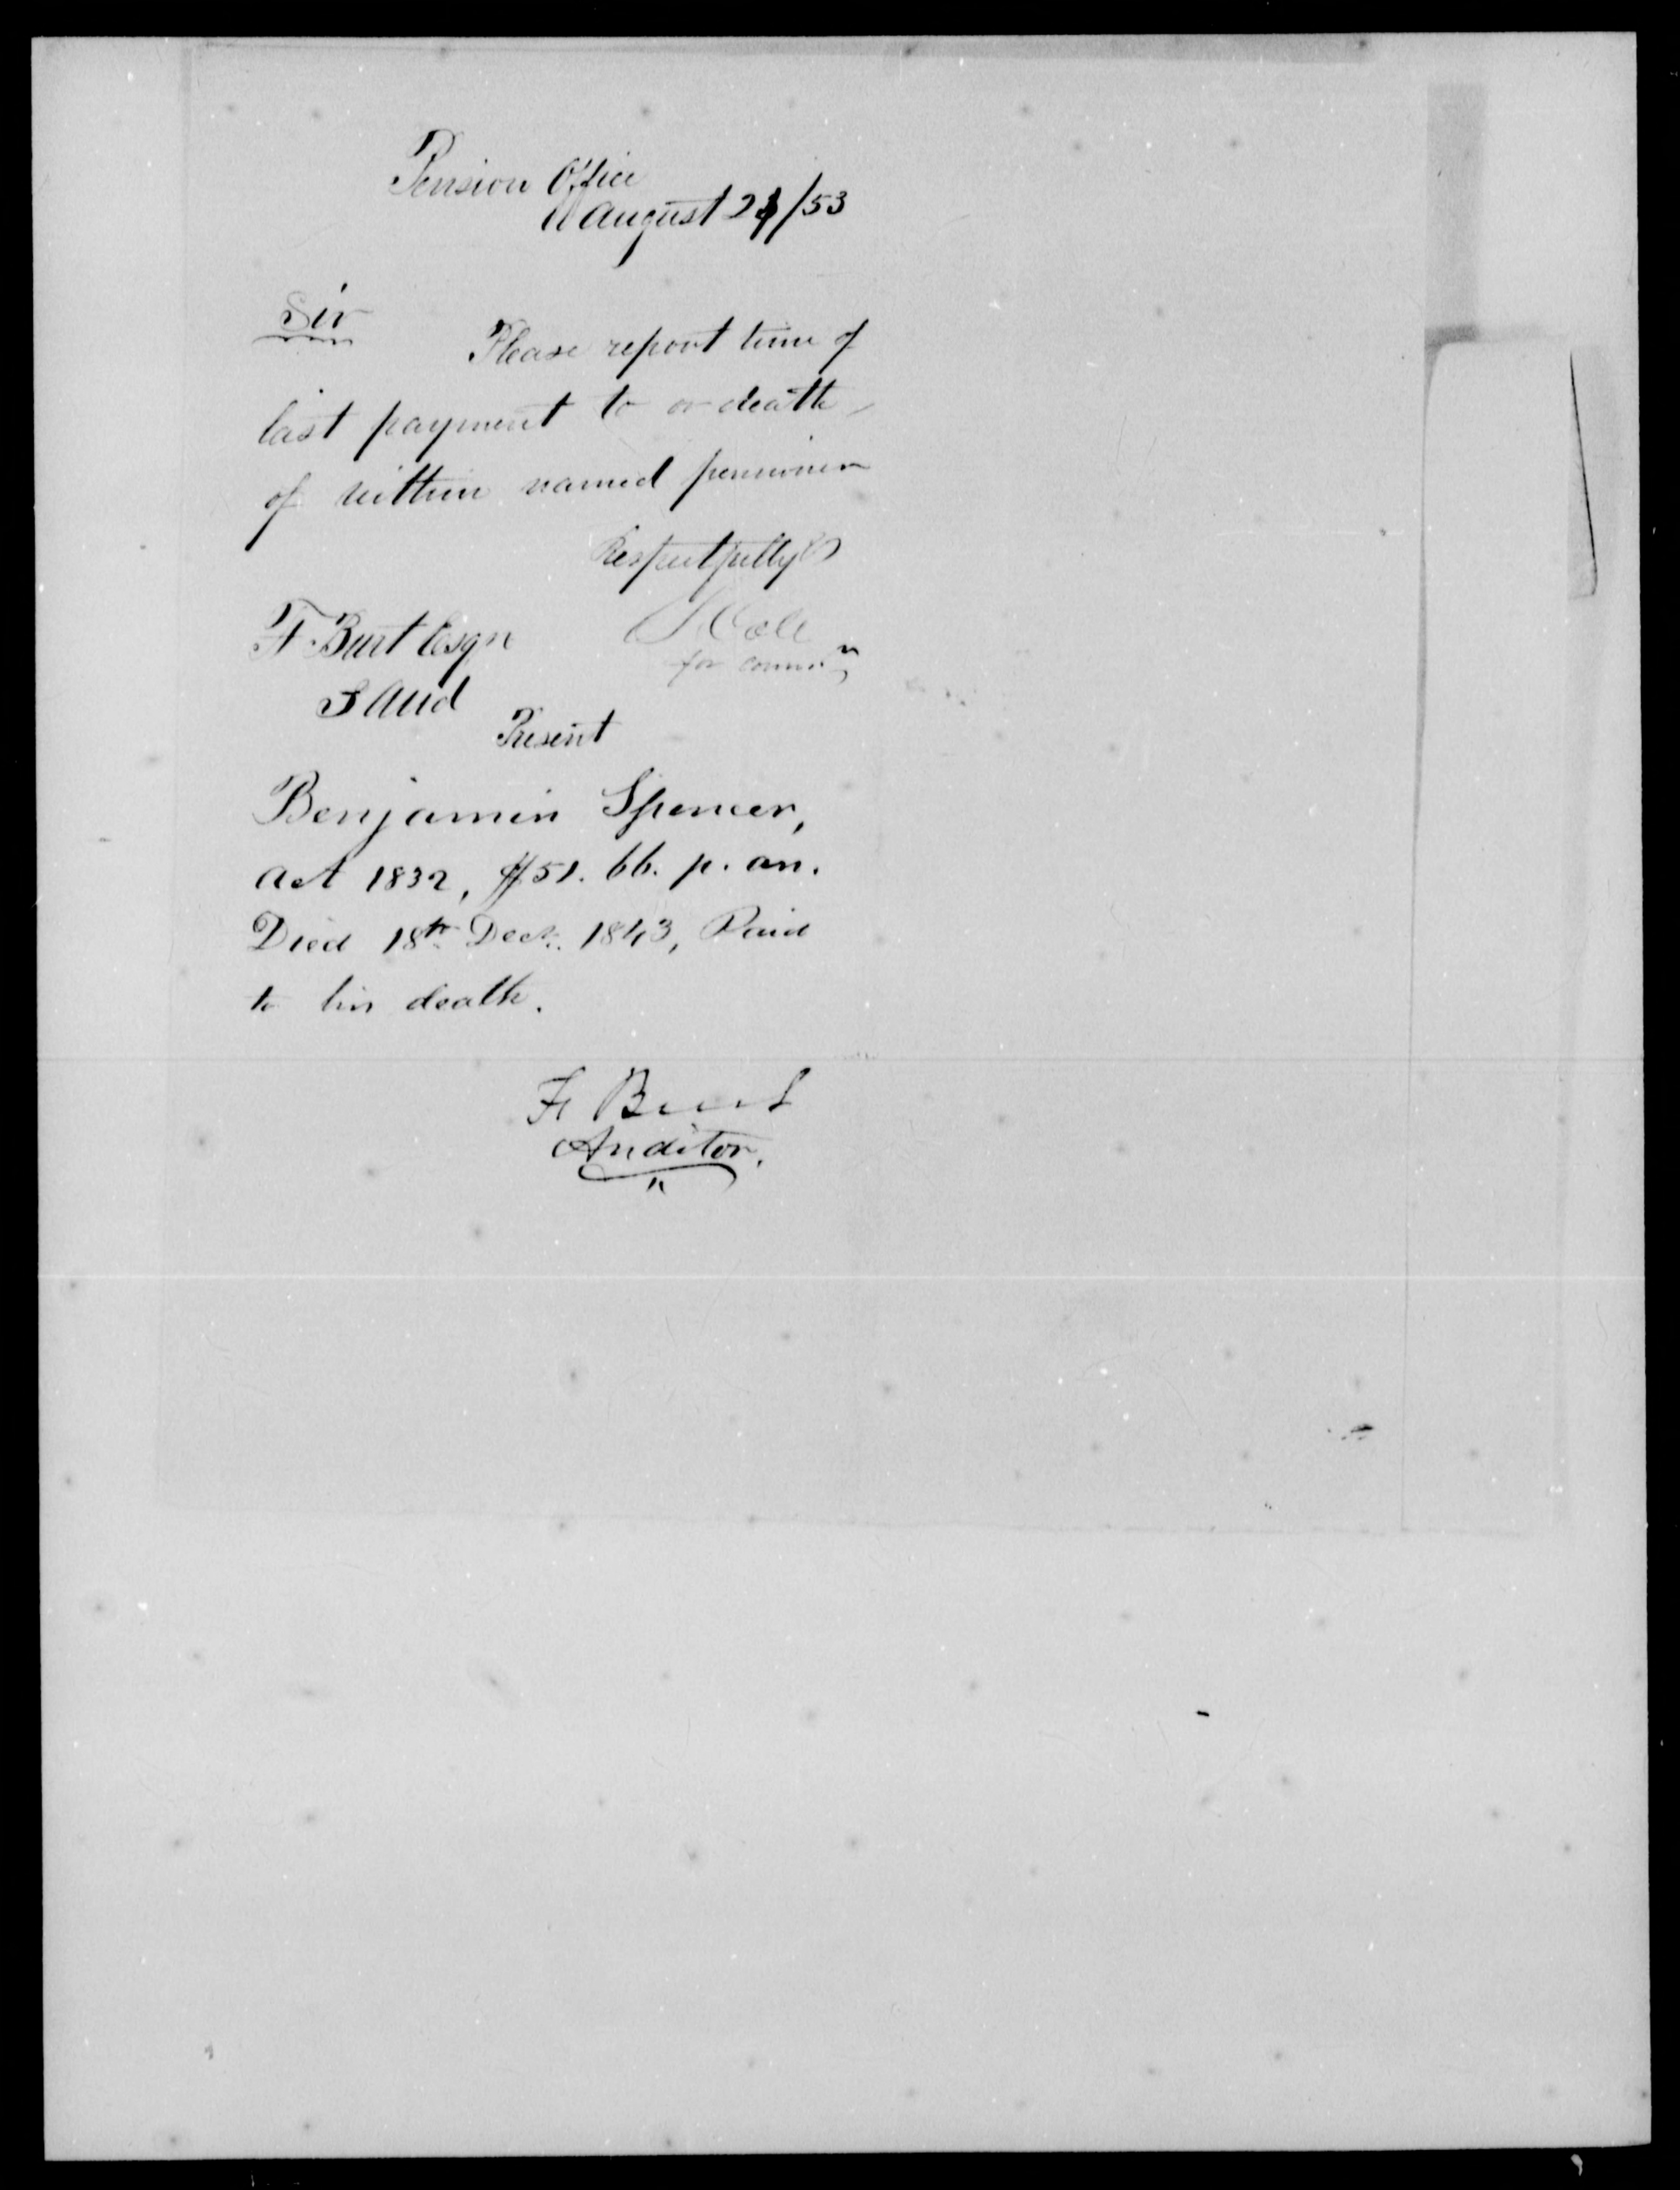Pension Office
August 21/53
Sir
Please report time of
last payment to or death
of within named pensioner
Respectfully
F. Burt Esqr
and S. Cole
for [illegible]

Present
Benjamin Spencer
Act 1832 $51.66 p. an.
Died 18th Decr 1843, Paid
to his death
F Burt
Auditor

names: F Burt; S Cole; Benjamin Spencer; F Burt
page: 62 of 63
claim: widow's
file: W. 6158, for Benjamin Spencer, North Carolina